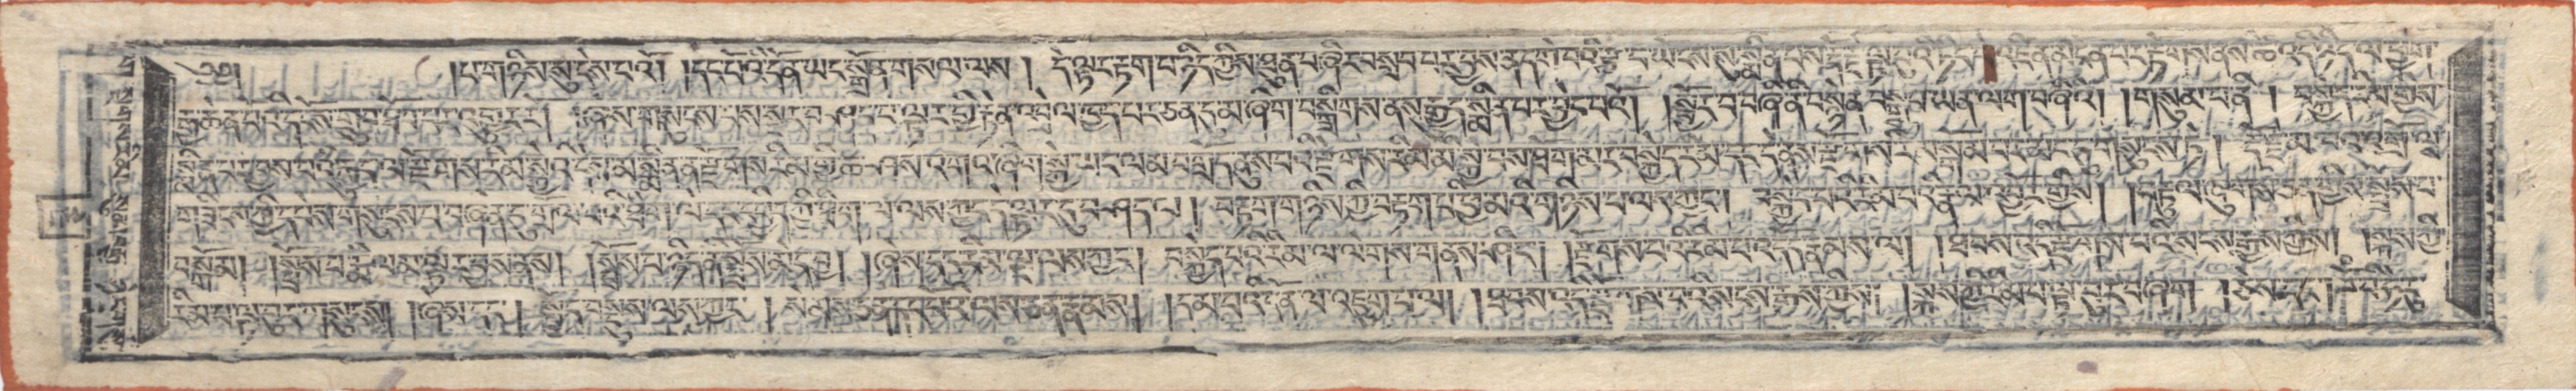༄༅། །པ་གཉིས་སུ་ངེས་པའོ། །དང་པོའི་དོན་ཡང་སྒྲོན་གསལ་ལས། དེ་ལྟར་རྟག་པ་ཉིད་ཀྱིས་ཐུན་བཞིར་བསླབ་པར་བྱས་ན་དགེ་བའི་རྩ་བ་ཡོངས་སུ་སྨིན་པས་རྡོ་རྗེ་ལྟ་བུའི་ཏིང་ངེ་འཛིན་མངོན་པར་རྟོགས་ནས་ཚེ་འདི་ཉིད་ལ་ཕྱག་
རྒྱ་ཆེན་པོའི་དངོས་གྲུབ་ཐོབ་པར་འགྱུར་རོ། །ཞེས་གསུངས་པས་སྔར་བཤད་པ་ལྟར་གྱི་རྟེན་འབྲེལ་ཁྱད་པར་ཅན་དུ་མ་ཞིག་བསྒྲིགས་ནས་རྒྱུད་སྨིན་པར་བྱེད་པའོ། །སྦྱོར་བ་བཞི་ནི་བསྙེན་བསྒྲུབ་ཡན་ལག་བཞིའོ། །གསུམ་པ་ནི། བསྐྱེད་རིམ་གྱིས་
སྨིན་པར་བྱས་པའི་རྒྱུད་ལ་རྫོགས་རིམ་སྐྱེའི་དེས་མ་སྨིན་ན་རྫོགས་རིམ་གྱི་ཆ་ཤས་འགའ་ཞིག་སྐྱེ་ཡང་ལམ་བགྲོད་ནུས་པའི་རྫོགས་རིམ་མི་སྐྱེ་བས་ཐོག་མར་བསྐྱེད་རིམ་དང་དེ་ནས་རྫོགས་རིམ་སྒོམ་པར་མང་དུ་གསུངས་ཏེ། རྡོ་རྗེ་མཁའ་འགྲོ་ལས་
གཟིངས་ཀྱི་དཔེས་གསུངས་པ་བཞིན་དུ་གྲོལ་བའི་ཐིག་ལེ་དང་དཔྱིད་ཀྱི་ཐིག་ལེ་ལས་ཀྱང་དེ་ལྟར་དུ་བཤད་ལ། བརྟག་གཉིས་ཀྱི་བརྟག་པ་ཕྱི་མའི་གཉིས་པ་ལས་ཀྱང་། བསྐྱེད་པའི་རིམ་པའི་རྣལ་འབྱོར་གྱིས། །བརྟུལ་ཞུགས་ཅན་གྱིས་སྤྲོས་པ་
བསྒོམ། །སྤྲོས་པ་རྨི་ལམ་ལྟར་བྱས་ནས། །སྤྲོས་པ་ཉིད་ནི་སྤྲོས་མེད་བྱ། །ཞེས་དང་རིམ་ལྔ་ལས་ཀྱང་། བསྐྱེད་པའི་རིམ་ལ་ལེགས་གནས་ཤིང་། །རྫོགས་པའི་རིམ་པ་འདོད་རྣམས་ལ། །ཐབས་འདི་རྫོགས་པའི་སངས་རྒྱས་ཀྱིས། །སྐས་ཀྱི་
རིམ་པ་ལྟ་བུར་གསུངས། །ཞེས་དང་། སྤྱོད་བསྡུས་ལས་ཀྱང་། སེམས་ཅན་དང་པོའི་ལས་ཅན་རྣམས། །དམ་པའི་དོན་ལ་འཇུག་པ་ལ། །ཐབས་འདི་རྫོགས་པའི་སངས་རྒྱས་ཀྱིས། །སྐས་ཀྱི་རིམ་པ་ལྟ་བུར་བཞག །ཅེས་དང་། ཌོཾ་བི་ཧེ་རུ་